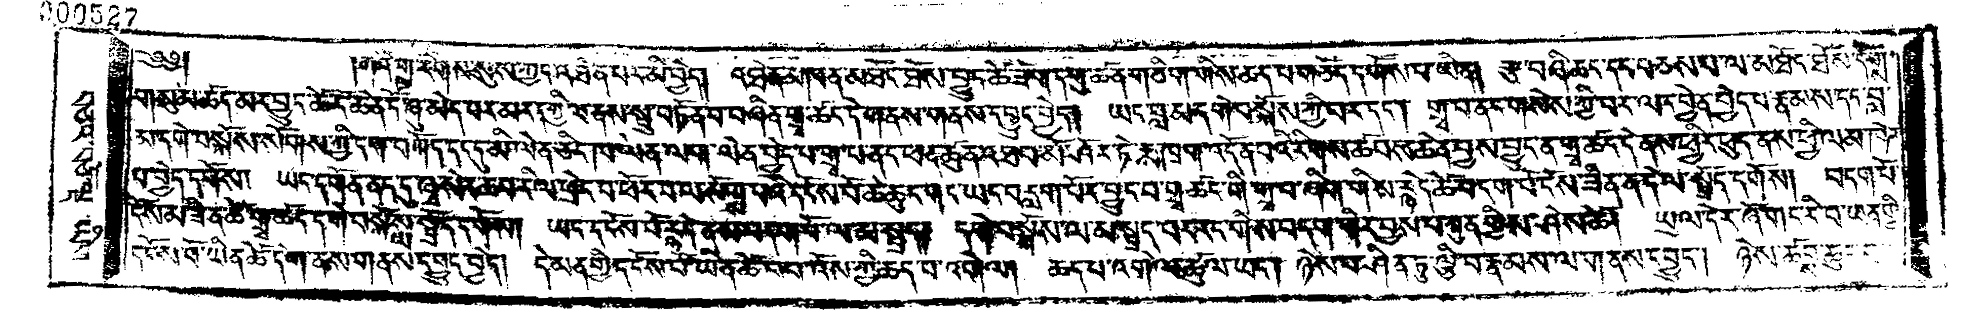༄༅། །ཀའི་གྲ་རིགས་སུས་ཀྱང་འཐེན་པར་མི་བྱེད། འཐེན་མཁན་མཐོང་ཐོས་བྱུང་ཚེ་ཐོག་དགུ་ཚན་གཅིག་གིས་ཆད་པ་གཅོད་དགོས་པ་ཡིན། རྩ་བཞི་ཆང་དང་བཅས་པ་ལ་མཐོང་ཐོས་དོགས་
གསུམ་ཚད་མར་བྱུང་ཚེ་ངོ་ཆེན་དོ་ཞུ་མེད་པར་མར་དཀྱིལ་ནས་སྤུ་བཏོན་པ་བཞིན་གྲྭ་ཚང་དེ་གནས་གནས་དབྱུང་བྱེད། ཡང་བླ་མ་དགེ་བསྐོས་ཀྱི་བར་དང་། གྲྭ་བ་ནང་གསེས་ཀྱི་བར་ལ་དབྱེན་བྱེད་པ་རྣམས་དང་བླ་
མ་དགེ་བསྐོས་སོགས་ཀྱི་དག་བཀོད་དང་དུ་མི་ལེན་ཅིང་ཁ་ལེན་ལག་ལེན་བྱེད་པ་གྲྭ་པ་ནང་ཕན་ཚུན་འཐབ་མོ་ཤོར་ཏེ་རྨ་ཁྲག་འདོན་པའི་རིགས་ཚབས་ཆེན་བྱས་བྱུང་ན་གྲྭ་ཚང་དེ་ནས་ཕྱིར་ཕུད་ནས་ཕྱི་ལམ་ཁེགས་
པ་བྱེད་དགོས། ཡང་དགོན་ནང་དུ་ཞྭ་སེར་ཆབ་རིལ་ཕྲེང་བ་ཕོར་བ་ལ་སོགས་པའི་དངོས་པོ་ཆེ་ཆུང་གང་ཡང་བརླག་པོར་བྱུང་བ་གྲྭ་ཚང་གི་གྲྭ་བ་ཞིག་གིས་རྙེད་ཚེ་བདག་པོ་ངོས་ཟིན་ན་དེ་ལ་སྤྲོད་དགོས། བདག་པོ་
ངོས་མ་ཟིན་ཚེ་གྲྭ་ཚང་དགེ་བསྐོས་ལ་སྤྲོད་དགོས། ཡང་དངོས་པོ་རྙེད་ནས་བདག་པོ་ལ་མ་སྤྲད། དགེ་བསྐོས་ལ་མ་སྤྲད་པར་རང་གིས་བདག་གིར་བྱས་པ་ཀུན་གྱིས་ཤེས་ཚེ། ཡུལ་དེར་ཞོ་གང་རི་བ་ཡན་གྱི་
དངོས་པོ་ཡིན་ཚེ་དེ་གནས་གནས་དབྱུང་བྱེད། དེ་མན་གྱི་དངོས་པོ་ཡིན་ཚེ་བབ་འོས་ཀྱི་ཆད་པ་འགེལ། ཆད་པ་འགེལ་ཚུལ་ཡང་། ཉེས་པ་ཤིན་ཏུ་ལྕི་བ་རྣམས་ལ་གནས་དབྱུང་། ཉེས་ཚབས་ཆུང་བ་